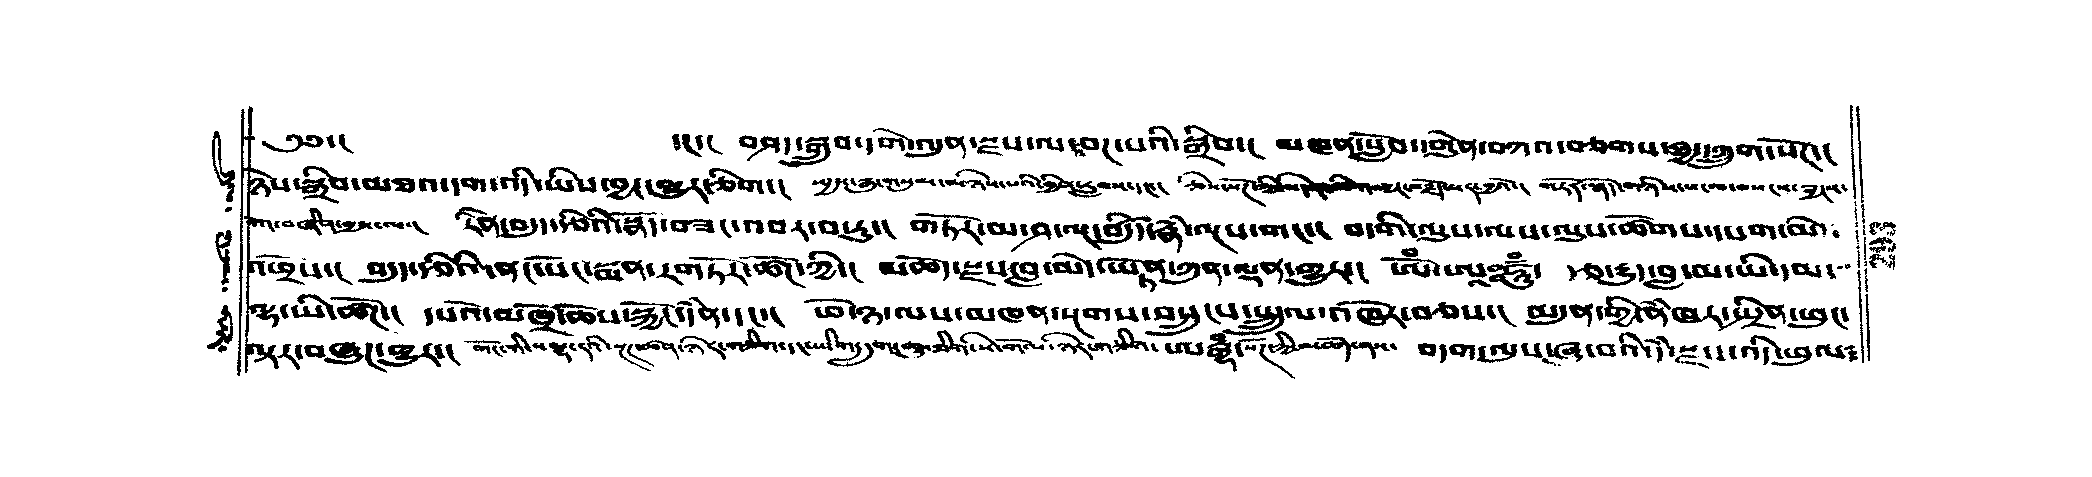དང་། །བཤད་སྒྲུབ་དགེ་འདུན་རྫས་ལ་འཕགས་པའི་སྒྲིབ། །མཁན་སློབ་དགེ་འདུན་བཀའ་བཅགས་ཐུགས་སྐྲུག་སོགས། །
ཉེས་སྒྲིབ་མཐའ་དག་འདི་ཡིས་བྱང་གྱུར་ཅིག་སངས་རྒྱས་སྐུ་གསུམ་མཉེས་པའི་བྱིན་རླབས་དང་། ཅེས་སོགས་ཀྱི་བདེན་ཚིག་ཀྱང་བརྗོད་པར་བྱའོ། གཏོར་མ་གཉིས་པ་ལ་བསངས་སྦྱངས་
གོང་བཞིན་བྱས་ལ། རིན་ཆེན་བདུད་རྩིའི་སྣོད་བཟང་འབར་བ་རུ། །གཏོར་མ་ཤ་ལྔ་བདུད་རྩི་རྣམ་ལྔས་གང་། །བདག་གི་ལུས་ལས་ཚོགས་པ་དཔག་མེད་
འཕྲོས། །བདུད་རྩིའི་ནང་སོང་སྨན་རག་གཏོར་ཚོགས་ཀྱི། །མཆོད་རྫས་བླ་མེད་ཡོན་ཏན་ལྡན་གྱུར་ཅིག་།ཨོྃ་ཨཱཿཧཱུྃ། རྩ་་རྒྱུད་བླ་མ་ཡི་དམ་
ལྷ་ཡི་ཚོགས། །དཔའ་བོ་མཁའ་འགྲོ་ཆོས་སྐྱོང་དམ་ཅན་དང་། ། ཕོ་ཉ་ལས་མཁན་སྔགས་བསྲུངས་སྤྲུལ་འཁོར་བཅས། །མདུན་གྱི་ནམ་མཁར་སྤྲིན་ཕུང་
ལྟར་བཞུགས་གྱུར། གོང་གི་སམྦྷ་རའི་སྔགས་ཚན་ཉེར་གཅིག་དང་ཡིག་དྲུག་ཆི་ཐིག་སེ་གོལ་ཉེར་གཅིག་ཨརྒྷཾ་སོགས་ཀྱི་མཆོད་ནས། བདག་ལུས་ཞུ་བའི་དམ་རྫས་འདི་ཕུལ་